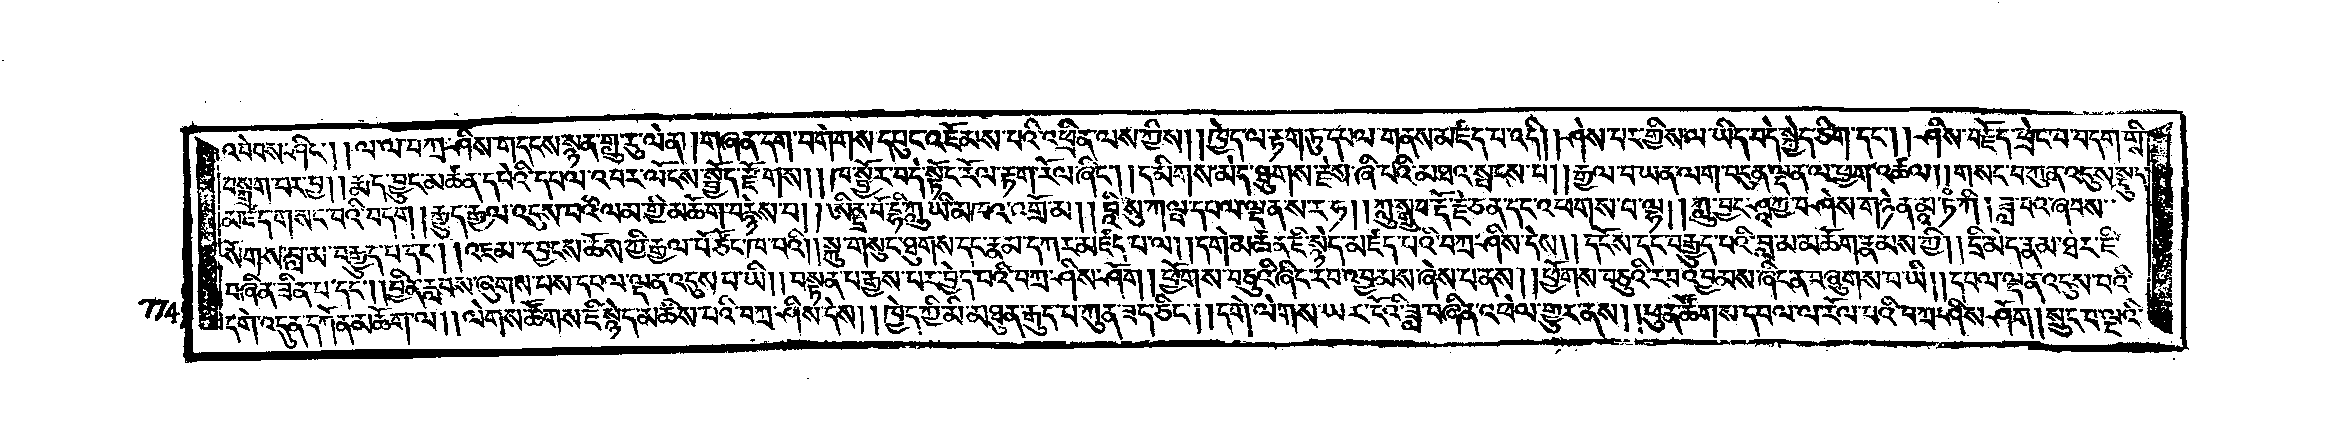འབེབས་ཤིང་། །ལ་ལ་བཀྲ་ཤིས་གདངས་སྙན་གླུ་རུ་ལེན། །གཞན་དག་བགེགས་དཔུང་འཇོམས་པའི་འཕྲིན་ལས་ཀྱིས། །ཁྱེད་ལ་རྟག་ཏུ་དཔལ་གནས་མཛད་པ་འདི། །ཤེས་པར་གྱིས་ལ་ཡིད་བདེ་སྐྱེད་ཅིག་དང་། །ཤིས་བརྗོད་ཕྲེང་བ་བདག་གིས་
བསྒྲག་པར་བྱ། །རྨད་བྱུང་མཚན་དཔེའི་དཔལ་འབར་ལོངས་སྤྱོད་རྫོགས། །ཁ་སྦྱོར་བདེ་སྟོང་རོལ་རྟག་རོལ་ཞིང་། །དམིགས་མེད་ཐུགས་རྗེས་ཞི་བའི་མཐའ་སྤངས་པ། །རྒྱལ་བ་ཡན་ལག་བདུན་ལྡན་ལ་ཕྱག་འཚལ། །གསང་བ་ཀུན་འདུས་སྡུད་
མཛད་གསང་བའི་བདག །རྒྱུད་རྒྱལ་འདུས་པའི་ལམ་གྱི་མཆོག་བརྙེས་པ། །ཨིནྡྲ་བོ་དྷི་ཀླུ་ཡི་མཁའ་འགྲོ་མ། །བཱི་སུ་ཀལྤ་དཔལ་ལྡན་ས་ར་ཧ། །ཀླུ་སྒྲུབ་རྡོ་རྗེ་ཅན་དང་འཕགས་པ་ལྷ། །ཀླུ་བྱང་ཤཱཀྱ་བཤེས་གཉེན་མཱ་ཧཾ་ཀི །ཟླ་བའི་ཞབས་
སོགས་བླ་མ་བརྒྱུད་པ་དང་། །འཇམ་དབྱངས་ཆོས་ཀྱི་རྒྱལ་པོ་ཙོང་ཁ་པའི། །སྐུ་གསུང་ཐུགས་དང་རྣམ་དཀར་མཛད་པ་ལ། །དགེ་མཚན་ཇི་སྙེད་མཛད་པའི་བཀྲ་ཤིས་དེས། །དངོས་དང་བརྒྱུད་པའི་བླ་མ་མཆོག་རྣམས་ཀྱི། །དྲི་མེད་རྣམ་ཐར་ཇི་
བཞིན་ཟིན་པ་དང་། །བྱིན་རླབས་ཞུགས་པས་དཔལ་ལྡན་འདུས་པ་ཡི། །བསྟན་པ་རྒྱས་པར་བྱེད་པའི་བཀྲ་ཤིས་ཤོག །ཕྱོགས་བཅུའི་ཞིང་རབ་འབྱམས་ཞེས་པ་ནས། །ཕྱོགས་བཅུའི་རབ་འབྱམས་ཞིང་ན་བཞུགས་པ་ཡི། །དཔལ་ལྡན་འདུས་པའི་
དགེ་འདུན་དཀོན་མཆོག་ལ། །ལེགས་ཚོགས་ཇི་སྙེད་མཆིས་པའི་བཀྲ་ཤིས་དེས། །ཁྱེད་ཀྱི་མི་མཐུན་རྒུད་པ་ཀུན་ཟད་ཅིང་། །དགེ་ལེགས་ཡར་ངོའི་ཟླ་བཞིན་འཕེལ་རྒྱུ་ནས། །ཕུན་ཚོགས་དཔལ་ལ་རོལ་བའི་བཀྲ་ཤིས་ཤོག །སྲུང་བ་ལྔའི་